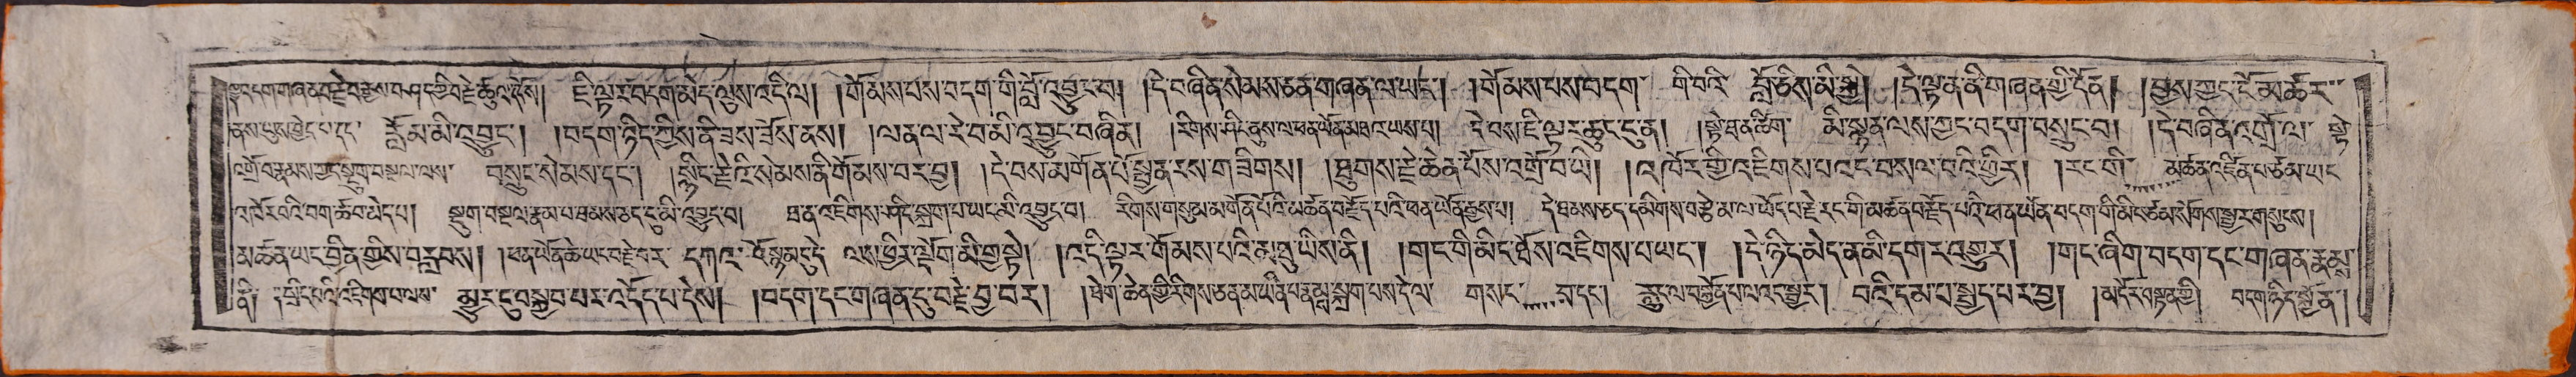༈བདག་གཞན་བརྗེ་བ་རྒྱས་བཤད་ཀྱི་བརྗེ་ཚུལ་དངོས།  ཇི་ལྟར་བདག་མེད་ལུས་འདི་ལ། །གོམས་པས་བདག་གི་བློ་འབྱུང་བ། །དེ་བཞིན་སེམས་ཅན་གཞན་ལ་ཡང་། །གོམས་པས་བདག་གི་བའི་བློ་ཅིས་མི་སྐྱེ། །དེ་ལྟ་ན་ནི་གཞན་གྱི་དོན། །བྱས་ཀྱང་ངོ་མཚར་
ནས་ཡུས་བྱེད་པ་དང་རློམ་མི་འབྱུང་། །བདག་ཉིད་ཀྱིས་ནི་ཟས་ཟོས་ནས། །ལན་ལ་རེ་བ་མི་འབྱུང་བཞིན། །རིགས་ཤིང་ནུས་ལ་ཕན་ཡོན་མཐའ་ཡས་པ། དེ་བས་ཇི་ལྟར་ཆུང་ངུ་ན། །སྟེ་ཐ་ན་ཚིག་མི་སྙན་ལས་ཀྱང་བདག་བསྲུང་པ། །དེ་བཞིན་འགྲོ་ལ་སྟེ་
འགྲོ་བ་རྣམས་ཀྱང་སྡུག་བསྔལ་ལས་བསྲུང་སེམས་དང་། །སྙིང་རྗེའི་སེམས་ནི་གོམས་པར་བྱ། །དི་བས་མགོན་པོ་སྤྱན་རས་གཟིགས། །ཐུགས་རྗེ་ཆེན་པོས་འགྲོ་བ་ཡི། །འཁོར་གྱི་འཇིགས་པའང་བསལ་བའི་ཕྱིར། །རང་གི་མཚན་འཛིན་པ་ཙམ་ཡང་
འཁོར་བའི་བག་ཚ་བ་མེད་པ། སྡུག་བསྔལ་རྣམ་པ་ཐམས་ཅད་དུ་མི་འབྱུང་བ། ཐ་ན་འཇིགས་ཤིང་སྐྲག་པ་ཡང་མི་འབྱུང་པ། རིགས་གསུམ་མགོན་པོའི་མཚན་བརྗོད་པའི་ཕན་ཡོན་རྒྱས་པ། དེ་ཐམས་ཅད་དམིགས་བརྩེ་མ་ལ་ཡོད་པ་རྗེ་རང་གི་མཚན་བརྗོད་པའི་ཕན་ཡོན་བདག་གི་མིང་ཙམ་སོགས་སྦྱར་གསུངས།
མཚན་ཡང་བྱིན་གྱིས་བརླབས། །ཕན་ཡོན་ཆེ་ཡང་བརྗེ་བར་དཀའ་འོ་སྙམ་དུ་དེ་་ལས་ཕྱིར་ལྡོག་མི་བྱ་སྟེ། །འདི་ལྟར་གོམས་པའི་མཐུ་ཡིས་ནི། །གང་གི་མི་འཐོས་འཇིགས་པ་ཡང་། །དེ་ཉིད་མེད་ན་མི་དགར་འགྱུར། །གང་ཞིག་བདག་དང་གཞན་རྣམས་
ནི༑ ༑སྲིད་པའི་འཇིགས་པ་ལས་མྱུར་དུ་བསྐྱབ་པར་འདོད་པ་དེས། །བདག་དང་གཞན་དུ་བརྗེ་བྱ་བར། །ཐེག་ཆེན་གྱི་རིགས་ཅན་མ་ཡིན་བརྣམས་སྐྲག་པས་དེ་ལ་གསང་བ་དང་། རླུང་ལ་བསྐྱོན་པ་ལའང་སྦྱར།  བའི་དམ་པ་སྤྱད་པར་བྱ། །མདོར་བསྟན་གྱི། བདག་ཉིད་སྐྱོན་